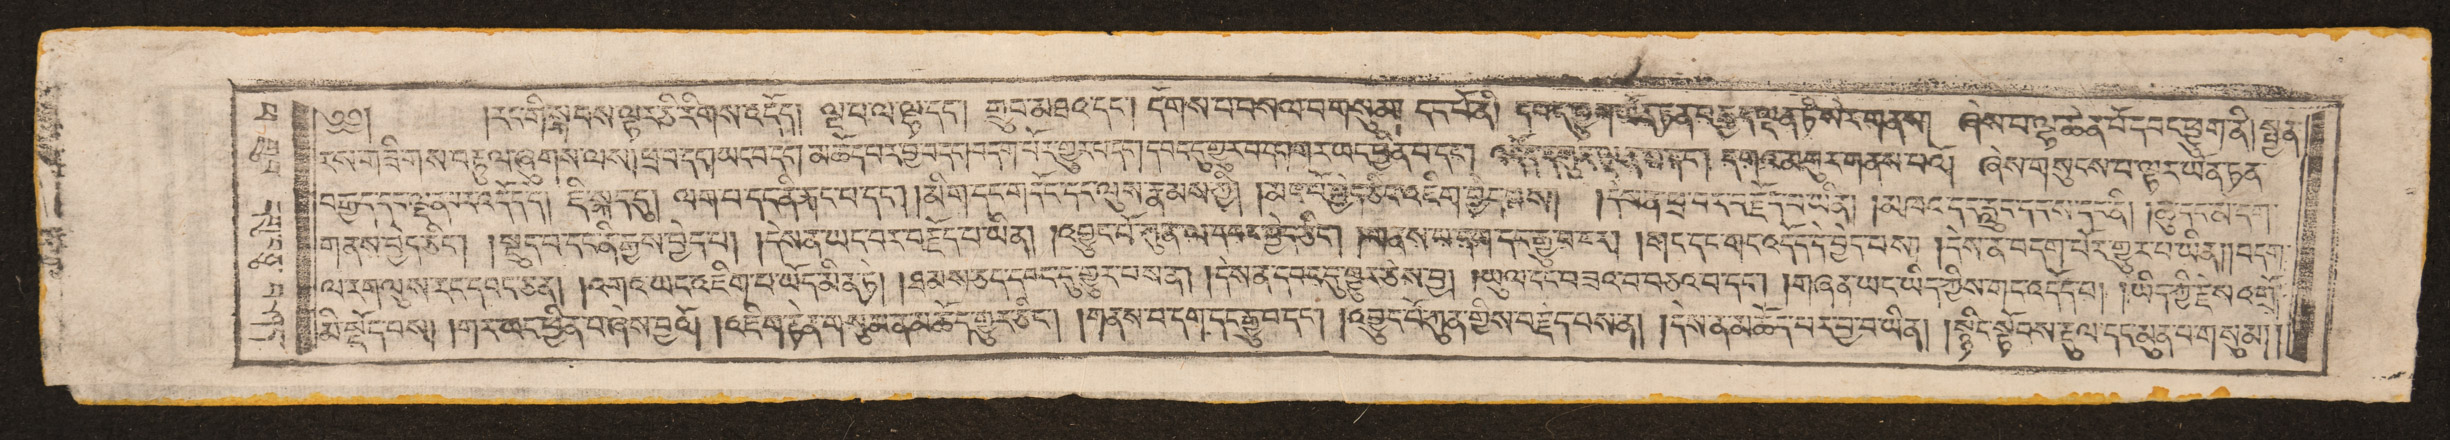༄༅། །རང་གི་སྐབས་ལྟར་ཅི་རིགས་འདོད། ལྔ་བ་ལ་ལྷ་དང་། གྲུབ་མཐའ་དང་། དོགས་པ་བསལ་བ་གསུམ། དང་པོ་ནི། དབང་ཕྱུག་ཡོན་ཏན་བརྒྱད་ལྡན་ཏི་སེར་གནས། ཞེས་པ་ལྷ་ཆེན་པོ་དབང་ཕྱུག་ནི། སྤྱན་
རས་གཟིགས་བརྟུལ་ཞུགས་ལས། ཕྲ་བ་དང་། ཡང་བ་དང་། མཆོད་པར་བྱ་བ་དང་། བདག་པོར་གྱུར་བ་དང་། དབང་དུ་གྱུར་པ་དང་། གར་ཡང་ཕྱིན་པ་དང་། འདོད་དགུར་ལྡན་པ་དང་། དགའ་མགུར་གནས་པའོ། ཞེས་གསུངས་པ་ལྟར་ཡོན་ཏན་
བརྒྱད་དང་ལྡན་པར་འདོད་དེ། ཇི་སྐད་དུ། ལག་པ་དང་ནི་རྐང་པ་དང་། །མིག་དང་གདོང་དང་ལུས་རྣམས་ཀྱི། །མང་པོ་བྱེད་ཅིང་འཇིག་བྱེད་པས། །དེས་ན་ཕྲ་བར་བརྗོད་པ་ཡིན། །མཁའ་དང་རླུང་དང་ས་དང་ནི། །ཆུ་དང་མེ་དག་
གནས་བྱེད་ཅིང་། །སྡུད་པ་དང་ནི་རྒྱས་བྱེད་པ། །དེས་ན་ཡང་བར་བརྗོད་པ་ཡིན། །འབྱུང་པོ་ཀུན་ལ་དབང་བྱེད་ཅིང་། །གནས་པ་དག་དང་རྒྱུ་བ་དང་། །གང་དང་གང་འདོད་དེ་བྱེད་པས། །དེས་ན་བདག་པོར་གྱུར་པ་ཡིན། །བདག་
ལ་རག་ལུས་རང་དབང་ཅན། །འགའ་ཡང་འཇིག་པ་ཡོད་མིན་ཏེ། །ཐམས་ཅད་དཔང་དུ་གྱུར་པས་ན། །དེས་ན་དབང་དུ་གྱུར་ཅེས་བྱ། །ཡུལ་ངང་བཟའ་བ་བཅའ་བ་དང་། །གཞན་ཡང་ཡིད་ཀྱིས་གང་འདོད་པ། །ཡིད་ཀྱི་རྗེས་འགྲོ་
མི་སྡོད་པས། །གང་ཡང་ཕྱིན་པ་ཞེས་བྱའོ། །འཇིག་རྟེན་གསུམ་ན་མཆོད་གྱུར་ཅིང་། །གནས་བདག་དང་རྒྱུ་བ་དང་། །འབྱུང་པོ་ཀུན་གྱིས་བརྗེད་པས་ན། །དེས་ན་མཆོད་པར་བྱ་བ་ཡིན། །སྙིང་སྟོབས་རྡུལ་དང་མུན་པ་གསུམ།།